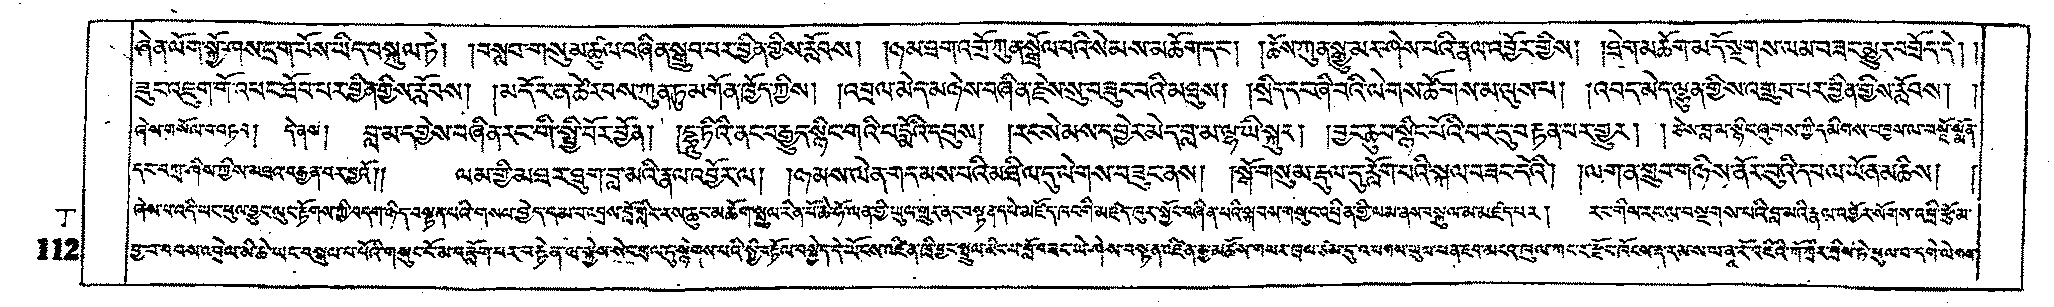ཞེན་ལོག་སྐྱོ་ཤས་དྲག་པོས་ཡིད་བསྐུལ་ཏེ། །བསླབ་གསུམ་ཚུལ་བཞིན་སྒྲུབ་པར་བྱིན་གྱིས་རློབས། །ཉམ་ཐག་འགྲོ་ཀུན་སྒྲོལ་བའི་སེམས་མཆོག་དང་། །ཆོས་ཀུན་སྒྱུ་མར་ཤེས་པའི་རྣལ་འབྱོར་གྱིས། །ཐེག་མཆོག་མདོ་སྔགས་ལམ་བཟང་མྱུར་བགྲོད་དེ། །
ཟུང་འཇུག་གོ་འཕང་ཐོབ་པར་བྱིན་གྱིས་རློབས། །མདོར་ན་ཚེ་རབས་ཀུན་ཏུ་མགོན་ཁྱོད་ཀྱིས། །འབྲལ་མེད་མ་ཉེས་བཞིན་རྗེས་སུ་བཟུང་བའི་མཐུས། །སྲིད་དང་ཞི་བའི་ལེགས་ཚོགས་མ་ལུས་པ། །འབད་མེད་ལྷུན་གྱིས་འགྲུབ་པར་བྱིན་གྱིས་རློབས། །
ཞེས་གསོལ་བ་བཏབ། དེ་ནས།  བླ་མ་དགྱེས་བཞིན་རང་གི་སྤྱི་བོར་བྱོན། །དྷཱུ་ཏིའི་ནང་བརྒྱུད་སྙིང་གའི་པདམོའི་དབུས། །རང་སེམས་དབྱེར་མེད་བླ་མ་ལྷ་ཡི་སྐུར། །བྱང་ཆུབ་སྙིང་པོའི་བར་དུ་བརྟན་པར་གྱུར། །ཅེས་བླ་མ་སྙིང་ཞུགས་ཀྱི་དམིགས་པ་བྱས་ལ་བསྔོ་སྨོན་
དང་བཀྲ་ཤིས་ཀྱིས་མཐའ་བརྒྱན་པར་བྱའོ།། ལམ་གྱི་མཐར་ཐུག་བླ་མའི་རྣལ་འབྱོར་ལ། །ཉམས་ལེན་གདམས་པའི་མཐིལ་དུ་ལེགས་བཟུང་ནས། །སྒོ་གསུམ་རྡུལ་དུ་རློག་པའི་སྐལ་བཟང་དེའི། །ལག་ན་གྲུབ་གཉིས་ནོར་བུའི་དཔལ་ཡོན་མཆིས། །
ཞེས་པ་འདི་ཡང་ཕུལ་བྱུང་ལུང་རྟོགས་ཀྱི་བདག་ཉིད་བསྟན་པའི་གསལ་བྱེད་དམ་པ་འབྲས་བློ་གླིང་རས་ཆུང་མཆོག་སྤྲུལ་རིན་པོ་ཆེ་ཧོ་ལན་གྱི་ཡུལ་གྲུར་ནང་བསྟན་དཔེ་མཛོད་ཁང་གི་མཛད་ཁུར་སྐྱོང་བཞིན་པའི་སྐབས་གསུང་འཕྲིན་གྱི་ལམ་ནས་བསྐུལ་མ་མཛད་པར། རང་གིས་རང་ལ་བསྔགས་པའི་བླ་མའི་རྣལ་འབྱོར་སོགས་འབྲི་རྩོམ་
བྱ་བ་བབས་འབྲེལ་མི་ཆེ་ཡང་བསྐུལ་པ་པོའི་གསུང་ངོ་མ་བཟློག་པར་བརྟེན་ཝ་སྐྱེས་སེང་གྲལ་དུ་སྙེགས་པའི་སྤྱི་བརྟོལ་བསྐྱེད་དེ་ཡོངས་འཛིན་ཁྲི་བྱང་སྤྲུལ་མིང་པ་བློ་བཟང་ཡེ་ཤེས་བསྟན་འཛིན་རྒྱ་མཚོས་གཡར་ཁྲལ་ཙམ་དུ་འཕགས་ཡུལ་པན་ཇབ་མངའ་ཁུལ་ཀང་ར་རྫོང་ཁོངས་རྡ་རམ་ས་ལ་ནཱ་རོ་འཇིའི་ཀོ་ཀྲིར་བྲིས་ཏེ་ཕུལ་བ་དགེ་ལེགས་